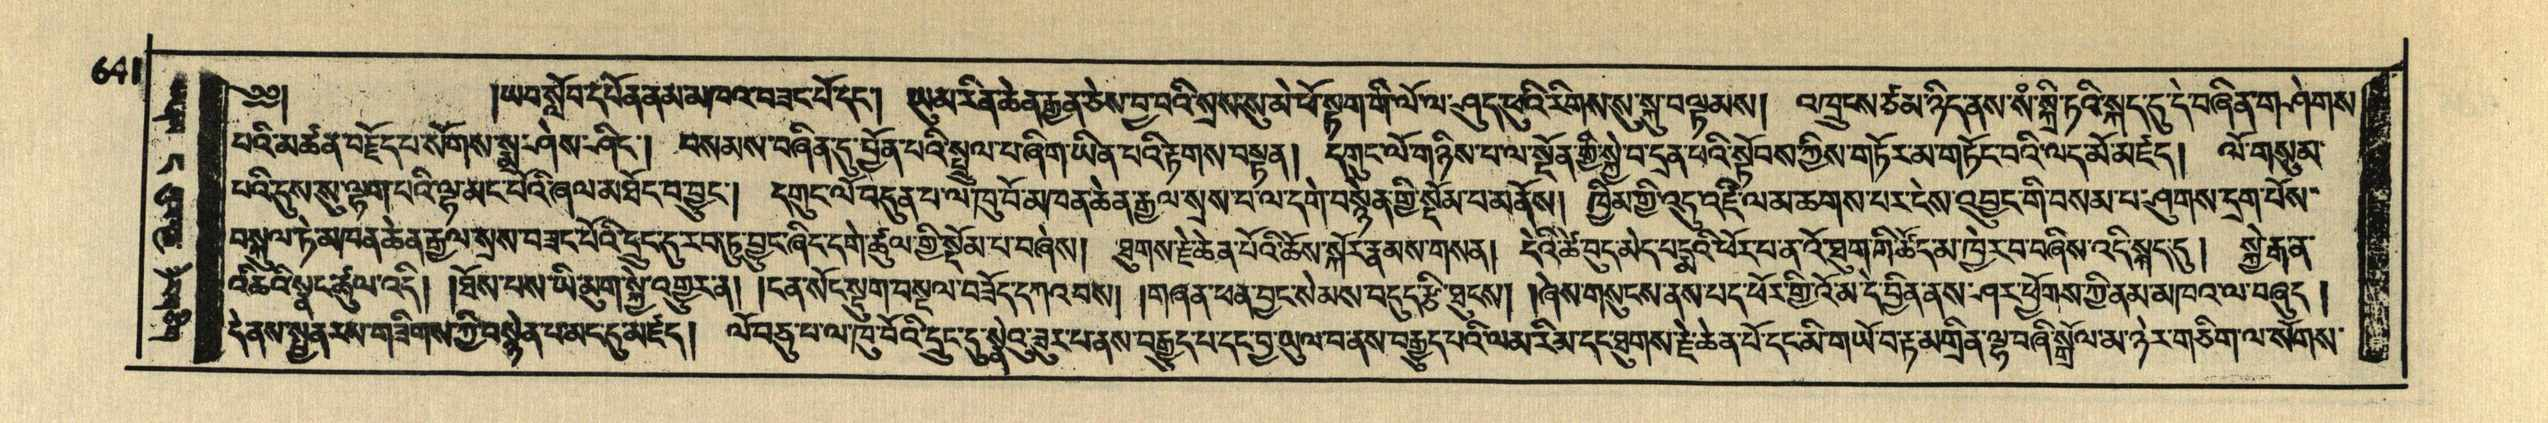༄༅། །ཡབ་སློབ་དཔོན་ནམ་མཁའ་བཟང་པོ་དང་། ཡུམ་རིན་ཆེན་རྒྱན་ཅེས་བྱ་བའི་སྲས་སུ་མེ་ཕོ་སྟག་གི་ལོ་ལ་ཤུད་ཕུའི་རིགས་སུ་སྐུ་བལྟམས། འཁྲུངས་ཙམ་ཉིད་ནས་སཾ་སྐྲི་ཏའི་སྐད་དུ་དེ་བཞིན་གཤེགས་
པའི་མཚན་བརྗོད་པ་སོགས་སྨྲ་ཤེས་ཤིང་། བསམས་བཞིན་དུ་བྱོན་པའི་སྤྲུལ་པ་ཞིག་ཡིན་པའི་རྟགས་བསྟན། དགུང་ལོ་གཉིས་པ་ལ་སྔོན་གྱི་སྐྱེ་བ་དྲན་པའི་སྟོབས་ཀྱིས་གཏོར་མ་གཏོང་བའི་ལད་མོ་མཛད། ལོ་གསུམ་
པའི་དུས་སུ་ལྷག་པའི་ལྷ་མང་པོའི་ཞལ་མཐོང་བ་བྱུང་། དགུང་ལོ་བདུན་པ་ལ་ཁུ་བོ་མཁན་ཆེན་རྒྱལ་སྲས་པ་ལ་དགེ་བསྙེན་གྱི་སྡོམ་པ་མནོས། ཁྱིམ་གྱི་འདུ་འཛི་ལ་མ་ཆགས་པར་ངེས་འབྱུང་གི་བསམ་པ་ཤུགས་དྲག་པོས་
བསྐུལ་ཏེ་མཁན་ཆེན་རྒྱལ་སྲས་བཟང་པོའི་དྲུང་དུ་རབ་ཏུ་བྱུང་ཞིང་དགེ་ཚུལ་གྱི་སྡོམ་པ་བཞེས། ཐུགས་རྗེ་ཆེན་པོའི་ཆོས་སྐོར་རྣམས་གསན། དེའི་ཚེ་བུད་མེད་པདམའི་ཕོར་པ་ན་འོ་ཐུག་གི་ཚོད་མ་ཁྱེར་བ་བཞིས་འདི་སྐད་དུ། སྐྱེ་རྒ་ན་
འཆིའི་སྣང་ཚུལ་འདི། །ཐོས་པས་ཡི་མུག་སྐྱེ་འགྱུར་ན། །ངན་སོང་སྡུག་བསྔལ་བཟོད་དཀའ་བས། །གཞན་ཕན་བྱང་སེམས་བདུད་རྩི་ཐུངས། །ཞེས་གསུངས་ནས་པད་ཕོར་གྱི་འོ་མ་དེ་བྱིན་ནས་ཤར་ཕྱོགས་ཀྱི་ནམ་མཁའ་ལ་བཞུང་།
དེ་ནས་སྤྱན་རས་གཟིགས་ཀྱི་བསྙེན་པ་མང་དུ་མཛད། ལོ་བཅུ་པ་ལ་ཁུ་བོའི་དྲུང་དུ་སྣེའུ་ཟུར་པ་ནས་བརྒྱུད་པ་དང་བྱ་ཡུལ་བ་ནས་བརྒྱུད་པའི་ལམ་རིམ་དང་ཐུགས་རྗེ་ཆེན་པོ་དང་མི་གཡོ་བ་རྟ་མགྲིན་ལྷ་བཞི་སྒྲོལ་མ་ཉེར་གཅིག་ལ་སོགས་